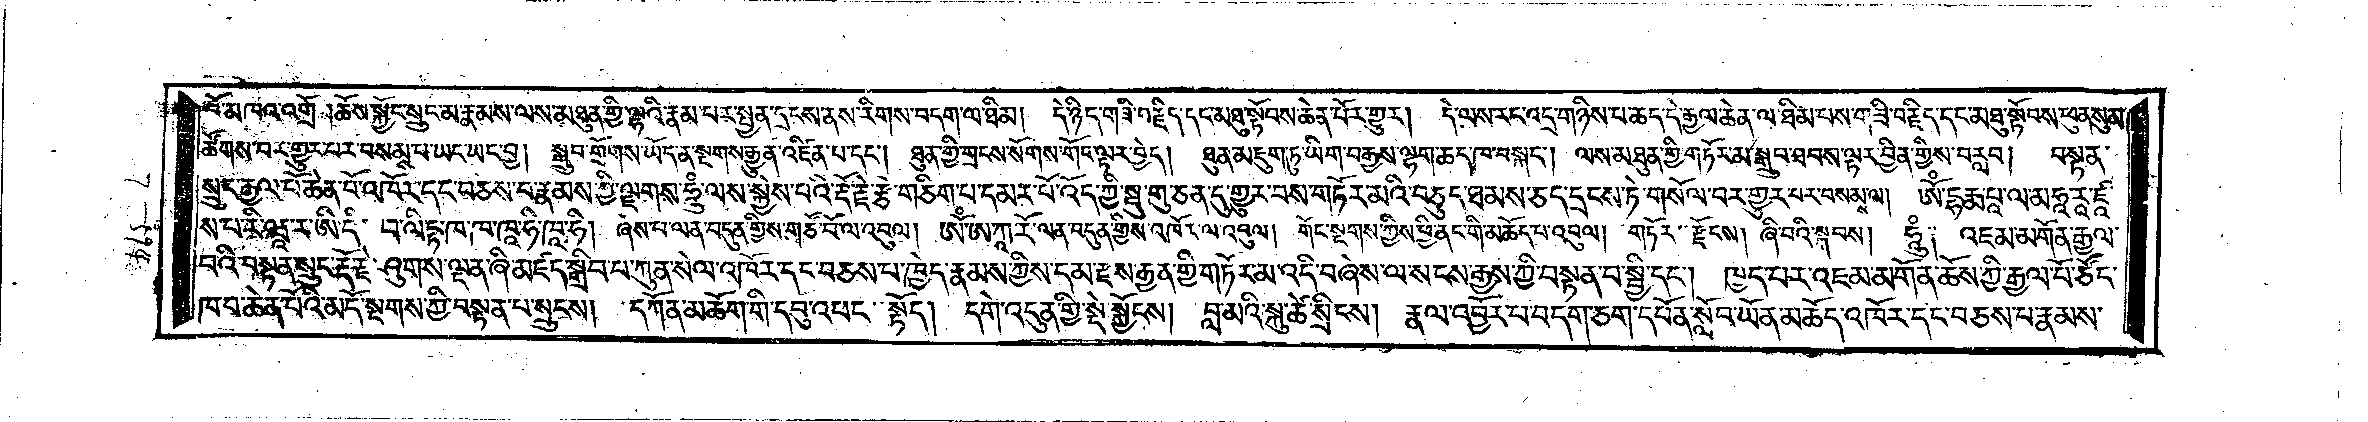བོ་མཁའ་འགྲོ་།ཆོས་སྐྱོང་སྲུང་མ་རྣམས་ལས་མཐུན་གྱི་ལྷའི་རྣམ་པར་སྤྱན་དྲངས་ནས་རིགས་བདག་ལ་ཐིམ། དེ་ཉིད་གཟི་བརྗིད་དང་མཐུ་སྟོབས་ཆེན་པོར་གྱུར། དེ་ལས་རང་འདྲ་གཉིས་པ་ཆད་དེ་རྒྱལ་ཆེན་ལ་ཐིམ་པས་གཟི་བརྗིད་དང་མཐུ་སྟོབས་ཕུན་སུམ་
ཚོགས་པར་གྱུར་པར་བསམས་པ་ཡང་ཡང་བྱ། སྒྲུབ་གྲོགས་ཡོད་ན་སྔགས་རྒྱུན་འཛིན་པ་དང་། ཐུན་གྱི་གྲངས་སོགས་གོང་ལྟར་བྱེད། ཐུན་མཇུག་ཏུ་ཡིག་བརྒྱས་ལྷག་ཆད་ཁ་བསྐང་། ལས་མཐུན་གྱི་གཏོར་མ་སྒྲུབ་ཐབས་ལྟར་བྱིན་གྱིས་བརླབ། བསྟན་
སྲུང་རྒྱལ་པོ་ཆེན་པོ་འཁོར་དང་བཅས་པ་རྣམས་ཀྱི་ལྗགས་ཧཱུཾ་ལས་སྐྱེས་པའི་རྡོ་རྗེ་གཙི་གཅིག་པ་དམར་པོ་འོད་ཀྱི་སྤུ་གུ་ཅན་དུ་གྱུར་པས་གཏོར་མའི་བཅུད་ཐམས་ཅད་དྲངས་ཏེ་གསོལ་བར་གྱུར་པར་བསམས་ལ།  ཨོཾ་དྷ་རྨ་པཱ་ལ་མ་ཧཱ་རཱ་ཛཱ་
ས་བ་རི་ཝཱ་ར་ཨི་དཾ་བ་ལིངྟ་ཁ་ཁ་ཁཱ་ཧི་ཁཱ་ཧི། ཞེས་པ་ལན་བདུན་གྱིས་གཙོ་བོ་ལ་འབུལ།  ཨོཾ་ཨ་ཀཱ་རོ་ལན་བདུན་གྱིས་འཁོར་ལ་འབུལ། གོང་སྔགས་ཀྱིས་ཕྱི་ནང་གི་མཆོད་པ་འབུལ། གཏོར་རྫོངས། ཞི་བའི་སྐབས།  ཧཱུཾ༑ འཇམ་མགོན་རྒྱལ་
བའི་བསྟན་སྲུང་རྡོ་རྗེ་ཤུགས་ལྡན་ཞི་མཛད་སྒྲིབ་པ་ཀུན་སེལ་འཁོར་དང་བཅས་པ་ཁྱེད་རྣམས་ཀྱིས་དམ་རྫས་རྒྱན་གྱི་གཏོར་མ་འདི་བཞེས་ལ་སངས་རྒྱས་ཀྱི་བསྟན་པ་སྤྱི་དང་། ཁྱད་པར་འཇམ་མགོན་ཆོས་ཀྱི་རྒྱལ་པོ་ཙོང་
ཁ་པ་ཆེན་པོའི་མདོ་སྔགས་ཀྱི་བསྟན་ལ་སྲུངས། དཀོན་མཆོག་གི་དབུ་འཕང་སྟོད། དགེ་འདུན་གྱི་སྡེ་སྐྱོངས། བླ་མའི་སྐུ་ཚེ་སྲིངས། རྣལ་འབྱོར་པ་བདག་ཅག་དཔོན་སློབ་ཡོན་མཆོད་འཁོར་དང་བཅས་པ་རྣམས་